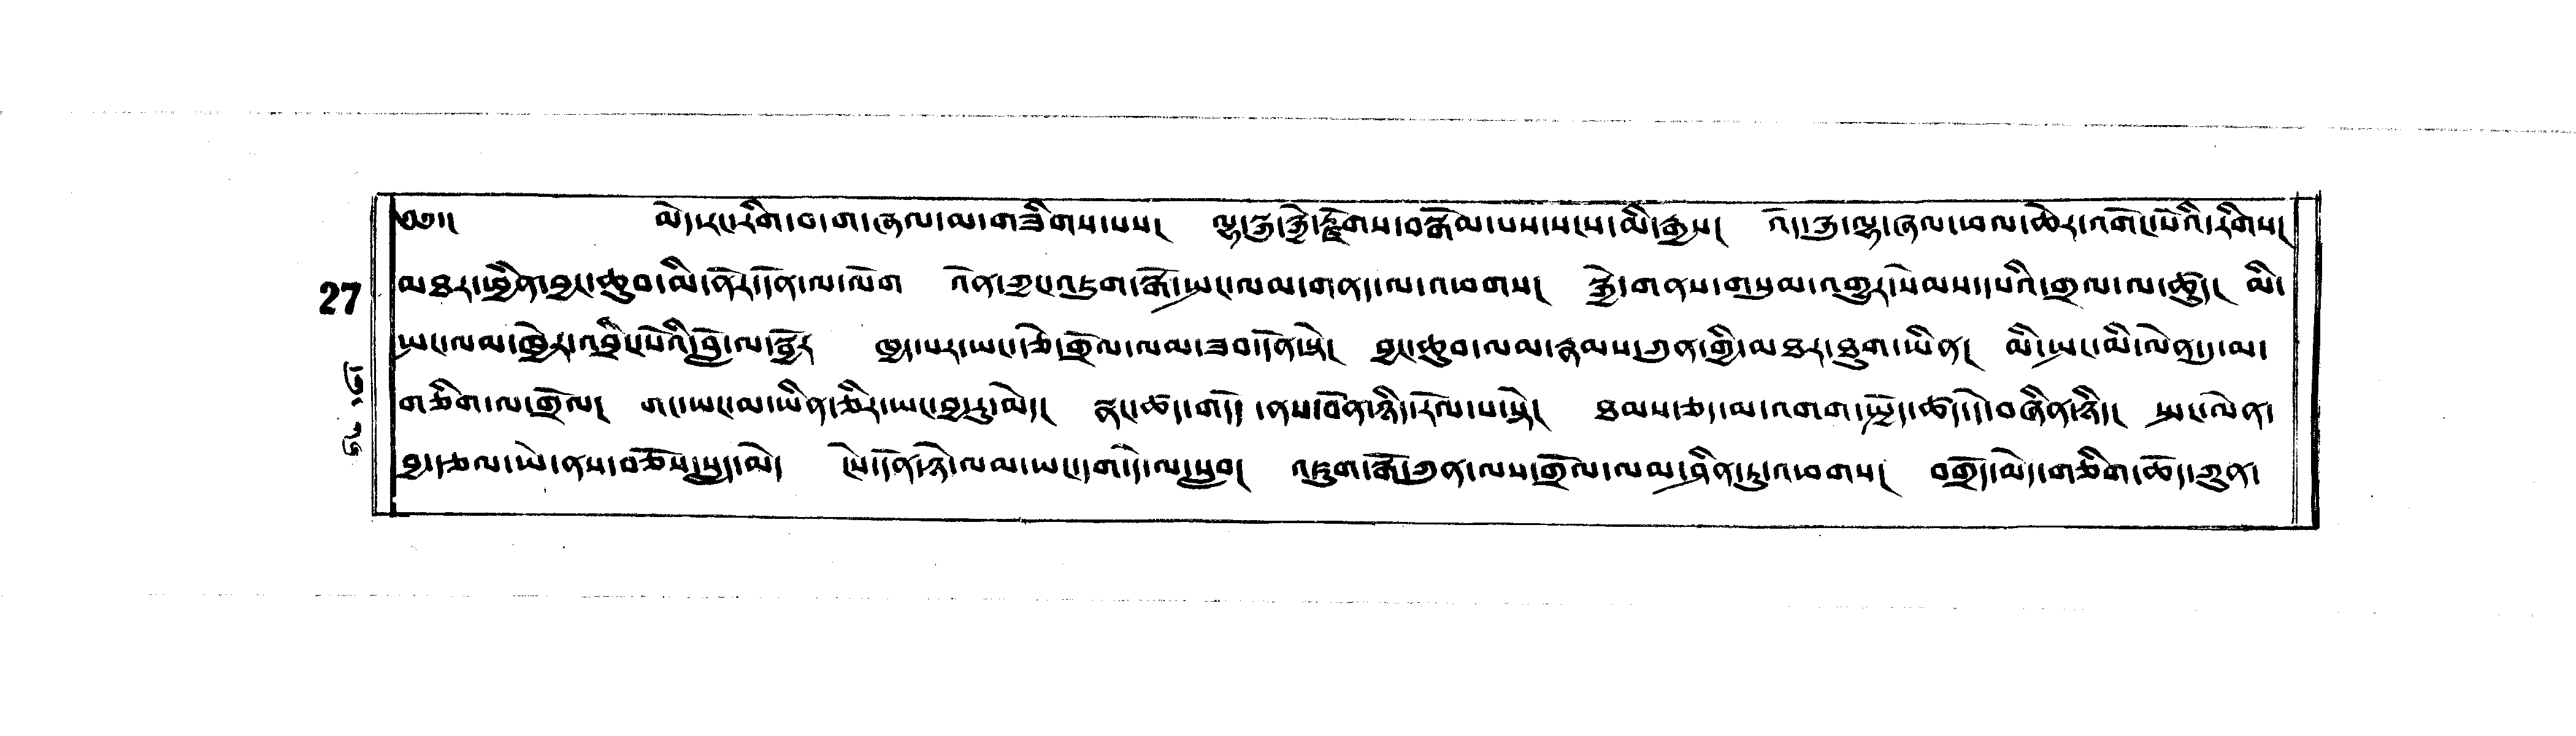མེད་རང་རིག་བདག་ཞལ་ལ་གཟིགས་པས། ལྷ་སྐུ་བསྐྱེད་རྫོགས་བསྒོམ་པས་སངས་མི་རྒྱས། འོད་སྐུ་ལྷ་ཞལ་ཕལ་ཆེར་འགོང་པོའི་རིགས།
མཐར་ཕྱིན་བྱང་ཆུབ་མི་ནོར་དོན་ལ་ལོག འོན་ཀྱང་འཇུག་སྒོ་སྤང་ལམ་གནད་ལ་འཕགས། སྐྱེ་གནས་འགྱུར་གསུམ་སེམས་དཔའི་གྲལ་ལ་ཚུད། མི་
སྤང་ལམ་ཁྱེར་འབྲིང་པོའི་བློ་ལ་སྦྱོར། ཁྱད་པར་ཡང་རྩེ་གྲོལ་ལམ་ཟབ་དོན་སྟེ། བྱང་ཆུབ་ལམ་རྣམས་ཀུན་གྱི་མཐར་ཐུག་ཡིན། མི་སྤང་མི་ལེན་དུ་མ་
གཅིག་ལ་གྲོལ། གང་ཡང་མ་ཡིན་ཅིར་ཡང་བྱ་རུ་མེད། སྣང་ཚད་གདོད་ནས་བོན་ཉིད་རོལ་པ་སྟེ། ཐམས་ཅད་མ་འགག་སྤྱོད་ཚད་དེ་བཞིན་ཉིད། སྤང་ལེན་
བྱ་བརྩལ་ཡེ་ནས་བཅོས་སླད་མེད། ངེས་དོན་ཉེ་ལམ་ཡང་དག་དེ་ལ་བསླབ། འཇུག་སྒོ་ཀུན་ལས་གྲོལ་ལམ་ཤིན་ཏུ་འཕགས། བགྲོད་མེད་ཅིག་ཆོད་ཀུན་